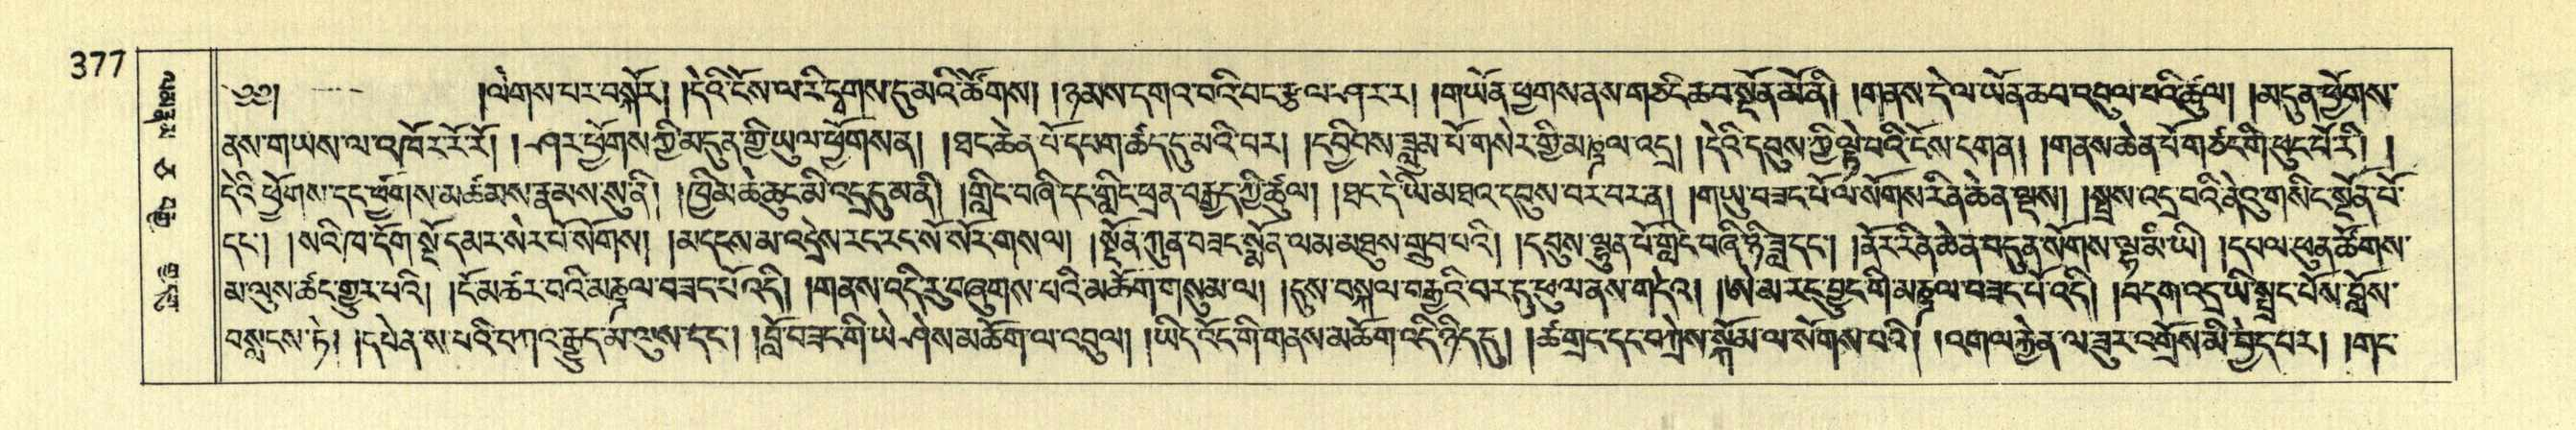༄༅། །ལེགས་པར་བསྐོར། །དེའི་ངོས་ལ་རི་དྭགས་དུ་མའི་ཚོགས། །ཉམས་དགའ་བའི་བང་རྩལ་ཤ་ར་ར། །གཡོན་ཕྱགས་ནས་གཅིང་ཆབ་སྔོན་མོ་ནི། །གནས་དེ་ལ་ཡོན་ཆབ་འབུལ་བའི་ཚུལ། །མདུན་ཕྱོགས་
ནས་གཡས་ལ་འཁོར་རོ་རོ། །ཤར་ཕྱོགས་ཀྱི་མདུན་གྱི་ཡུལ་ཕྱོགས་ན། །ཐང་ཆེན་པོ་དཔག་ཚད་དུ་མའི་བར། །དབྱིབས་ཟླུམ་པོ་གསེར་གྱི་མཎྜལ་འདྲ། །དེའི་དབུས་ཀྱི་ལྟེ་བའི་ངོས་ངག་ན། །གནས་ཆེན་པོ་གཙང་གི་ཕུང་པོ་རི། །
དེའི་ཕྱོགས་དང་ཕྱོགས་མཚམས་རྣམས་སུ་ནི། །ཁྱིམ་ཆེ་ཆུང་མི་འདྲ་དུ་མ་ནི། །གླིང་བཞི་དང་གླིང་ཕྲན་བརྒྱད་ཀྱི་ཚུལ། །ཐང་དེ་ཡི་མཐའ་དབུས་བར་བར་ན། །གཡུ་བཟང་པོ་ལ་སོགས་རིན་ཆེན་ལྡས། །སྤྲས་འདྲ་བའི་ནེའུ་གསིང་སྔོན་པོ་
དང་། །སའི་ཁ་དོག་སྡོ་དམར་སེར་པོ་སོགས། །མདངས་མ་འདྲེས་རང་རང་སོ་སོར་གསལ། །སྔོན་ཀུན་བཟང་སྨོན་ལམ་མཐུས་གྲུབ་པའི། །དབུས་ལྷུན་པོ་གླིང་བཞི་ཉི་ཟླ་དང་། །ནོར་རིན་ཆེན་བདུན་སོགས་ལྷ་མི་ཡི། །དཔལ་ཕུན་ཚོགས་
མ་ལུས་ཚང་གྱུར་པའི། །ངོ་མཚར་བའི་མཎྜལ་བཟང་པོ་འདི། །གནས་འདི་རུ་བཞུགས་པའི་མཆོག་གསུམ་ལ། །དུས་བསྐལ་བརྒྱའི་བར་དུ་ཕུལ་ནས་གདེའ། །ཨེ་མ་རང་བྱུང་གི་མཎྜལ་བཟང་པོ་འདི། །བདག་འདྲ་ཡི་སྤྲང་པོས་བློས་
བསླངས་ཏེ། །དཔེན་ས་པའི་བཀའ་རྒྱུད་མ་ལུས་དང་། །བློ་བཟང་གི་ཡེ་ཤེས་མཆོག་ལ་འབུལ། །ཡིད་འོང་གི་གནས་མཆོག་འདི་ཉིད་དུ། །ཚ་གྲང་དང་བཀྲེས་སྐོམ་ལ་སོགས་པའི། །འགལ་རྐྱེན་ལ་ཟུར་འགྲོས་མི་བྱེད་པར། །གང་